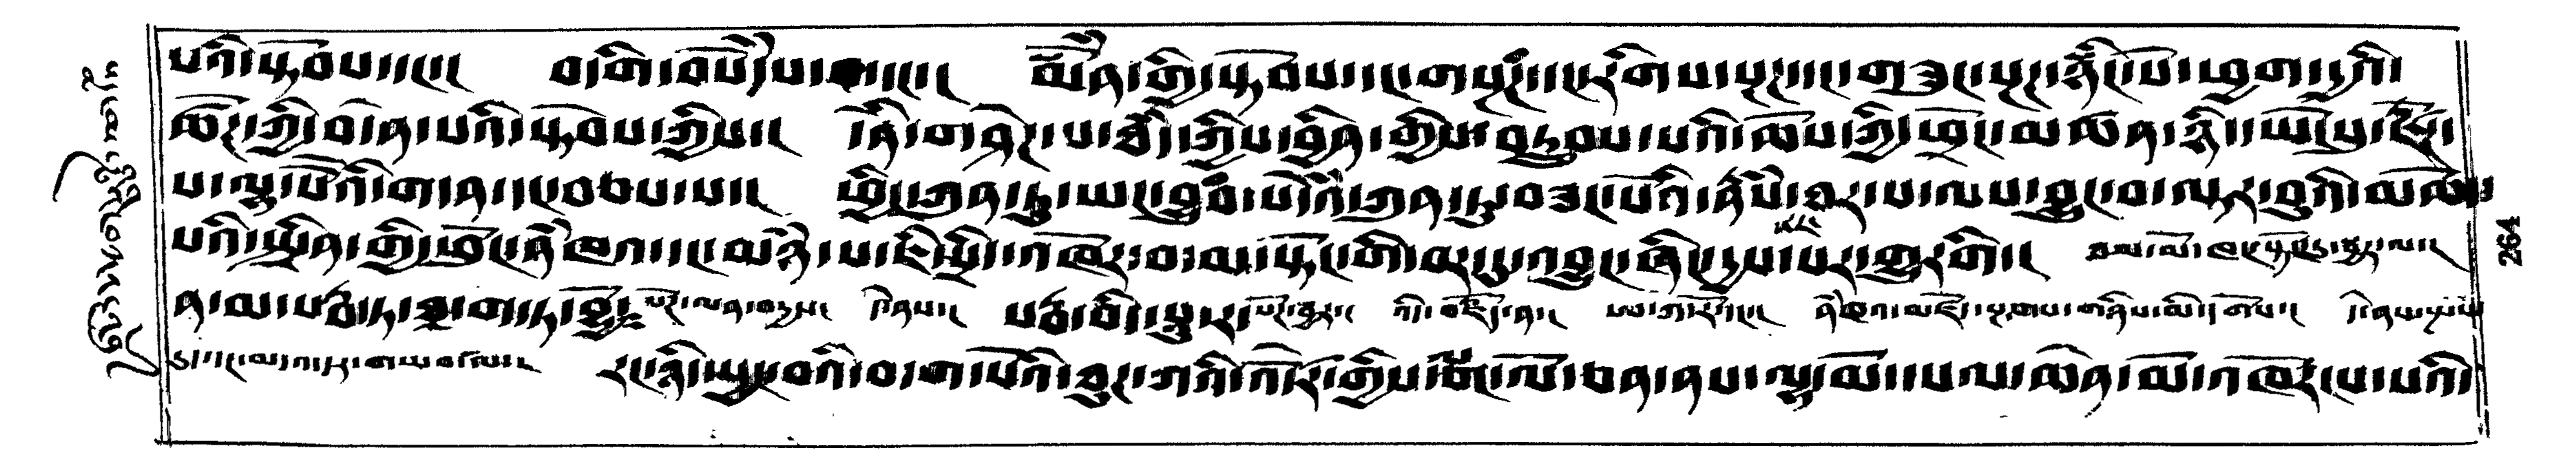པའི་སྟོབས་དང་། བདག་གི་བསོད་ནམས་དང་། སྨོན་ལམ་གྱི་སྟོབས་དང་གསང་སྔགས་དང་རིགས་སྔགས་དང་གཟུང་སྔགས་སྙིང་པོ་ཕྱག་རྒྱའི་
ཚོགས་ཀྱི་བདེན་པའི་སྟོབས་ཀྱིས། དེ་བཞིན་གཤེགས་པ་ཐམས་ཅད་ཀྱིས་བྱིན་གྱིས་བརླབས་པའི་ཆོས་ཀྱི་ཕོ་བྲང་མཚན་ཉིད་ཡོངས་སུ་རྫོགས་
པ་ལྷ་སོ་སོའི་གདན་དང་བཅས་པ། ཕྱི་ནང་ཀུན་ཏུ་ཡང་བྱང་ཆུབ་སེམས་དཔའ་ཀུན་ཏུ་བཟང་པོའི་རྣམ་པར་ཐར་པ་ལས་བྱུང་བ་ལྟ་བུའི་མཆོད་
པའི་སྤྲིན་གྱི་ཕུན་ཚོགས་ནམ་མཁའ་དང་མཉམ་པ་ཇི་སྲིད་འཁོར་བ་མ་སྟོང་གི་བར་དུ་འབྱུང་ཞིང་རྒྱས་པར་གྱུར་ཅིག ཐལ་མོ་ཁང་སྟོང་དུ་སྦྱར་ལ། 
ན་མ་སརྦ་ཏ་ཐཱ་ག་ཏ་བྷྱོ༴ སོགས་ལན་བརྒྱས།དེ་ནས། སརྦ་བིད་པཱུ་ར་སོགས་སྦྱར། འདི་བརྗོད་ན། ཨ་ཀ་རོ་དང་། ན་མཁའ་མཛོད་སྔགས་གཉིས་མི་དགོས། དེ་ནས་སྤོས་
དུད་དང་མདའ་དར་གཡབ་ལ། རང་ཉིད་གསང་བའི་བདག་པོའི་ཐུགས་ཀའི་འོད་ཟེར་གྱིས་ལྕང་ལོ་ཅན་ནས་ལྷ་མོ་དཔལ་ཆེན་མོ་འཁོར་དང་བཅས་པའི་